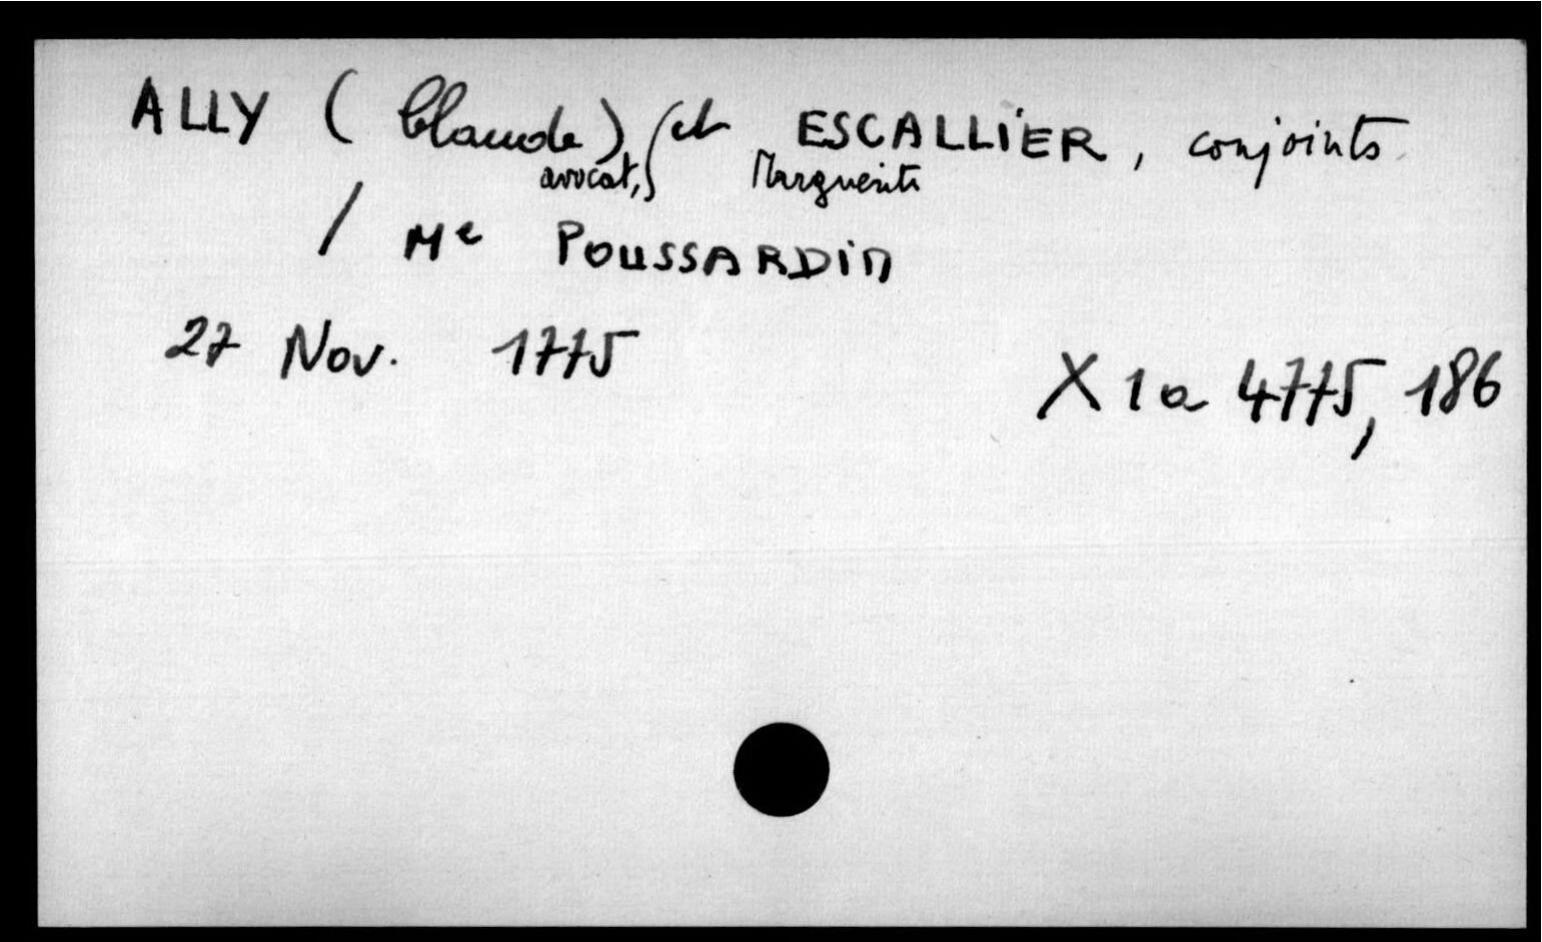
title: ALLY (Claude) avocat, et ESCALLIER Marguerite, conjoints
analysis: Contre maître Poussardin
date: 27 novembre 1775
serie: X1a
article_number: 4775
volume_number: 186
